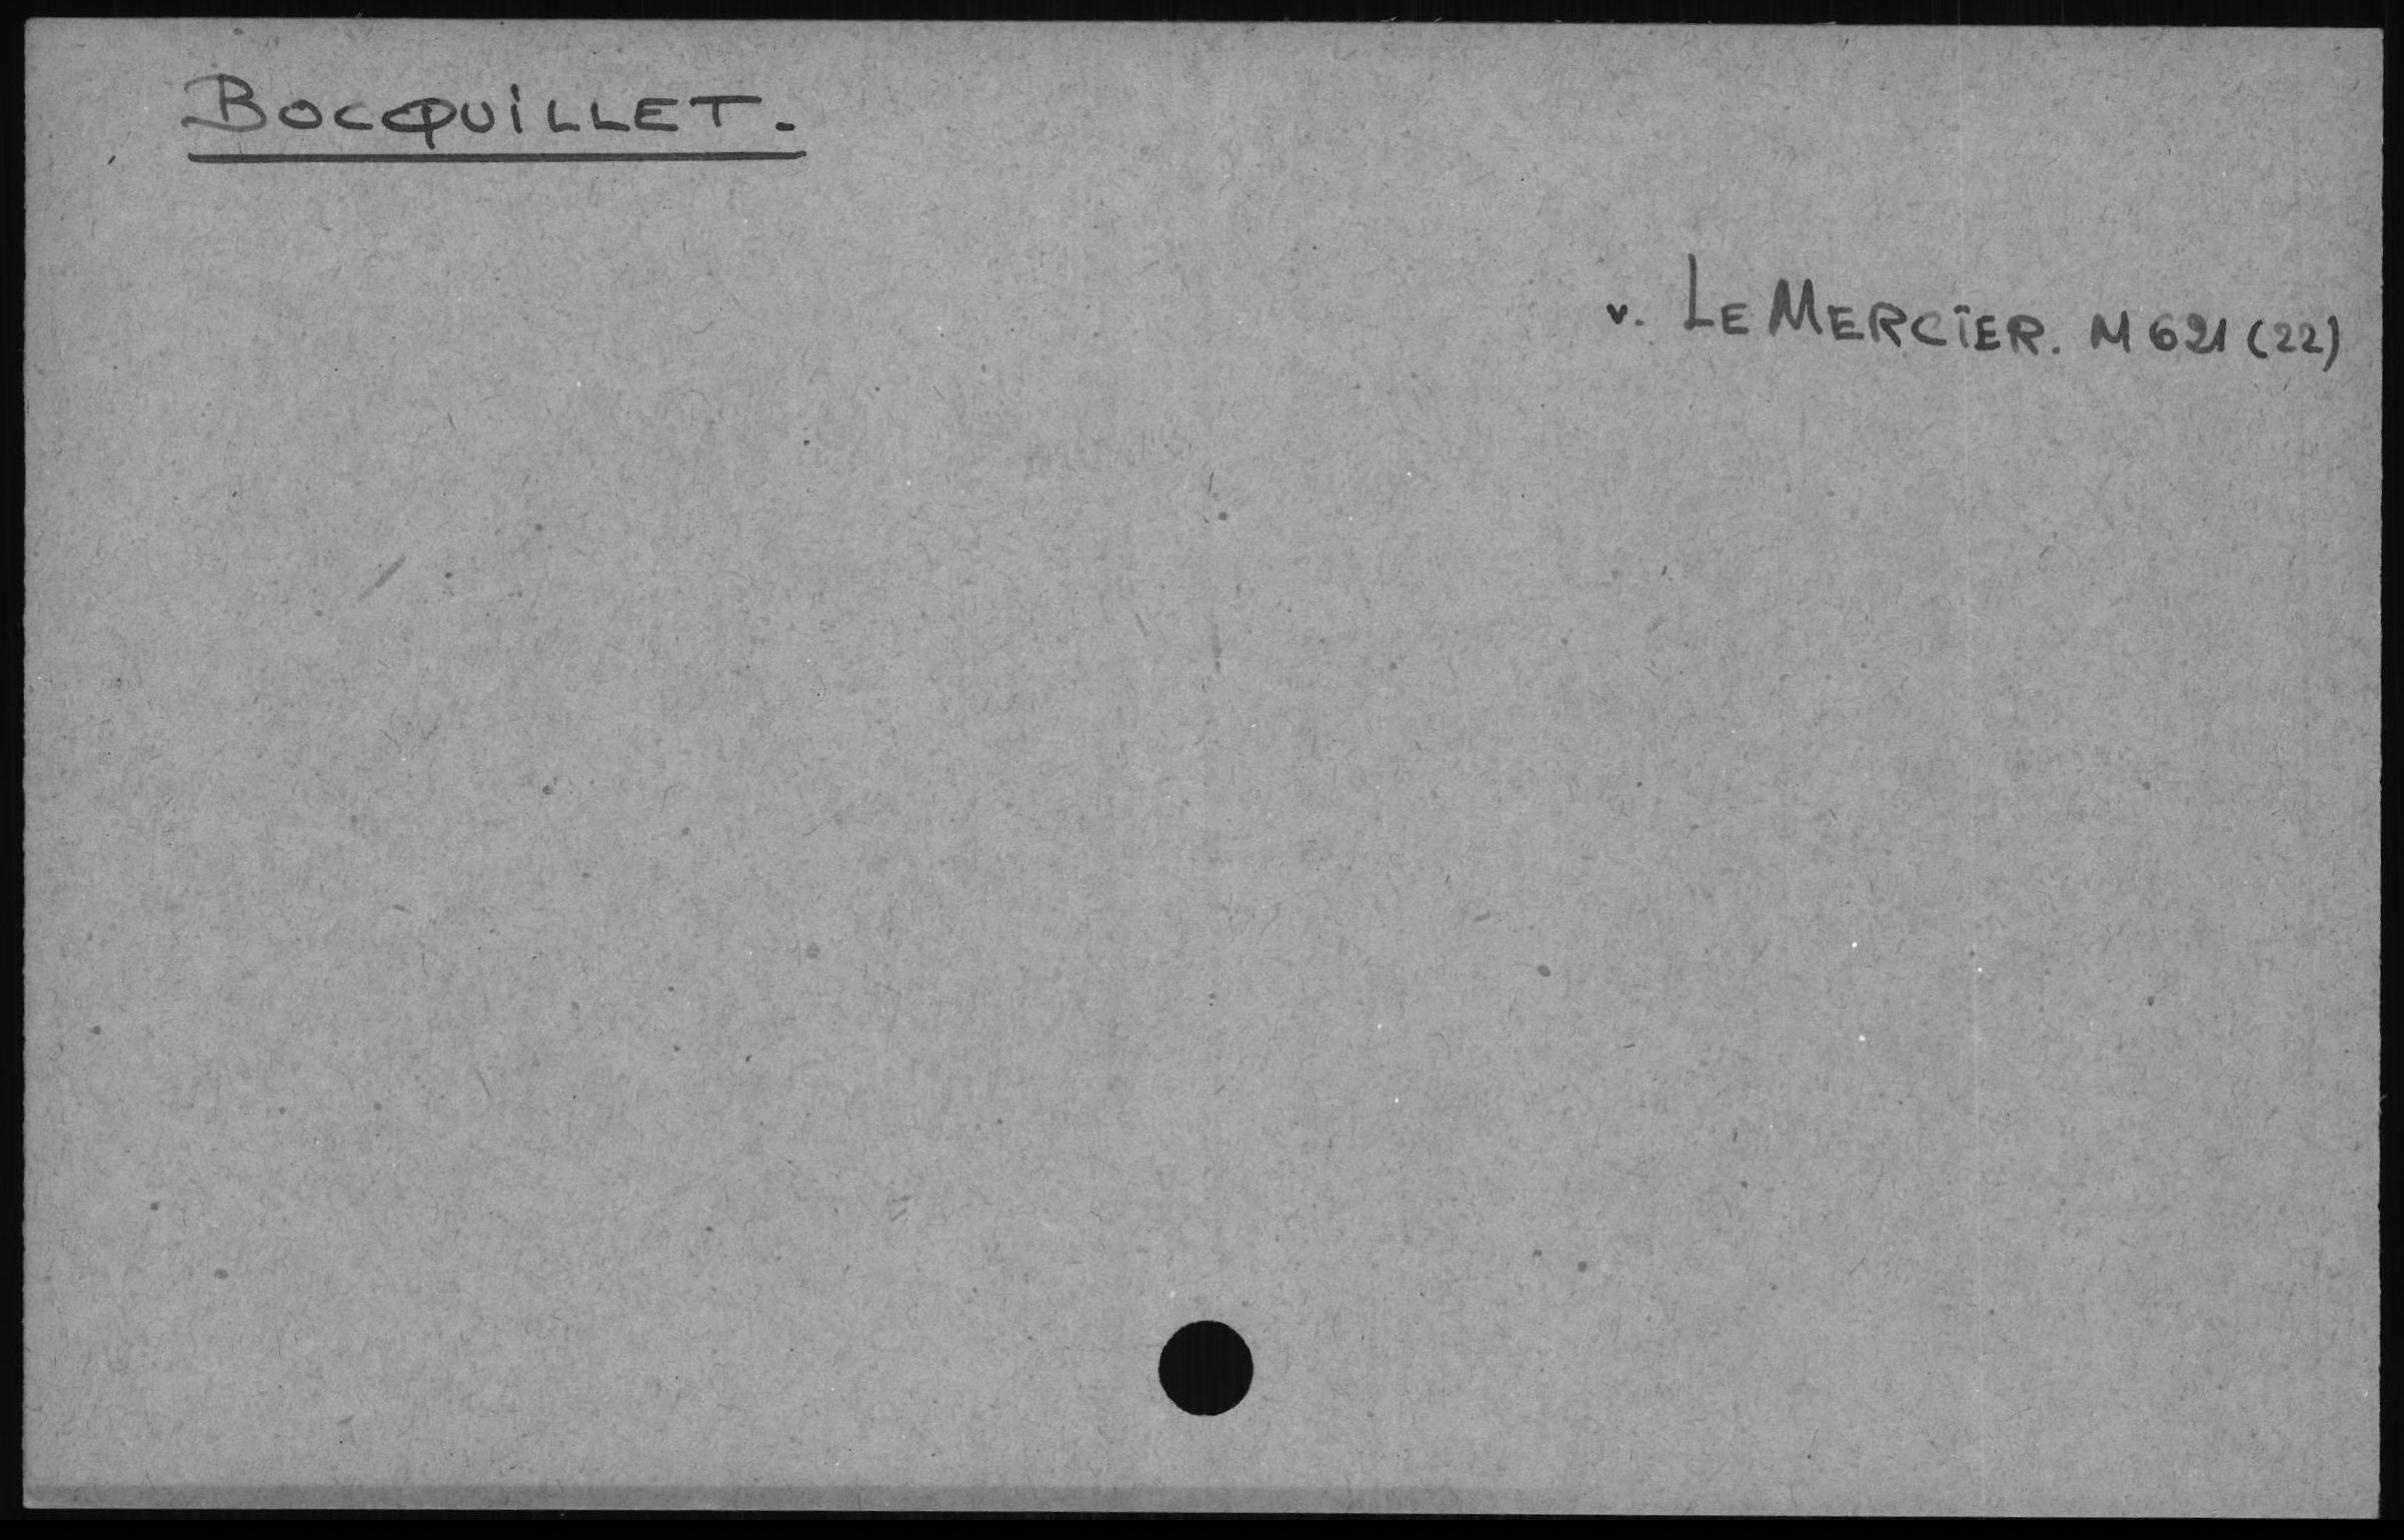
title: BOCQUILLET.
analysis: voir : LE MERCIER.
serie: M
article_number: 621
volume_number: (22)
